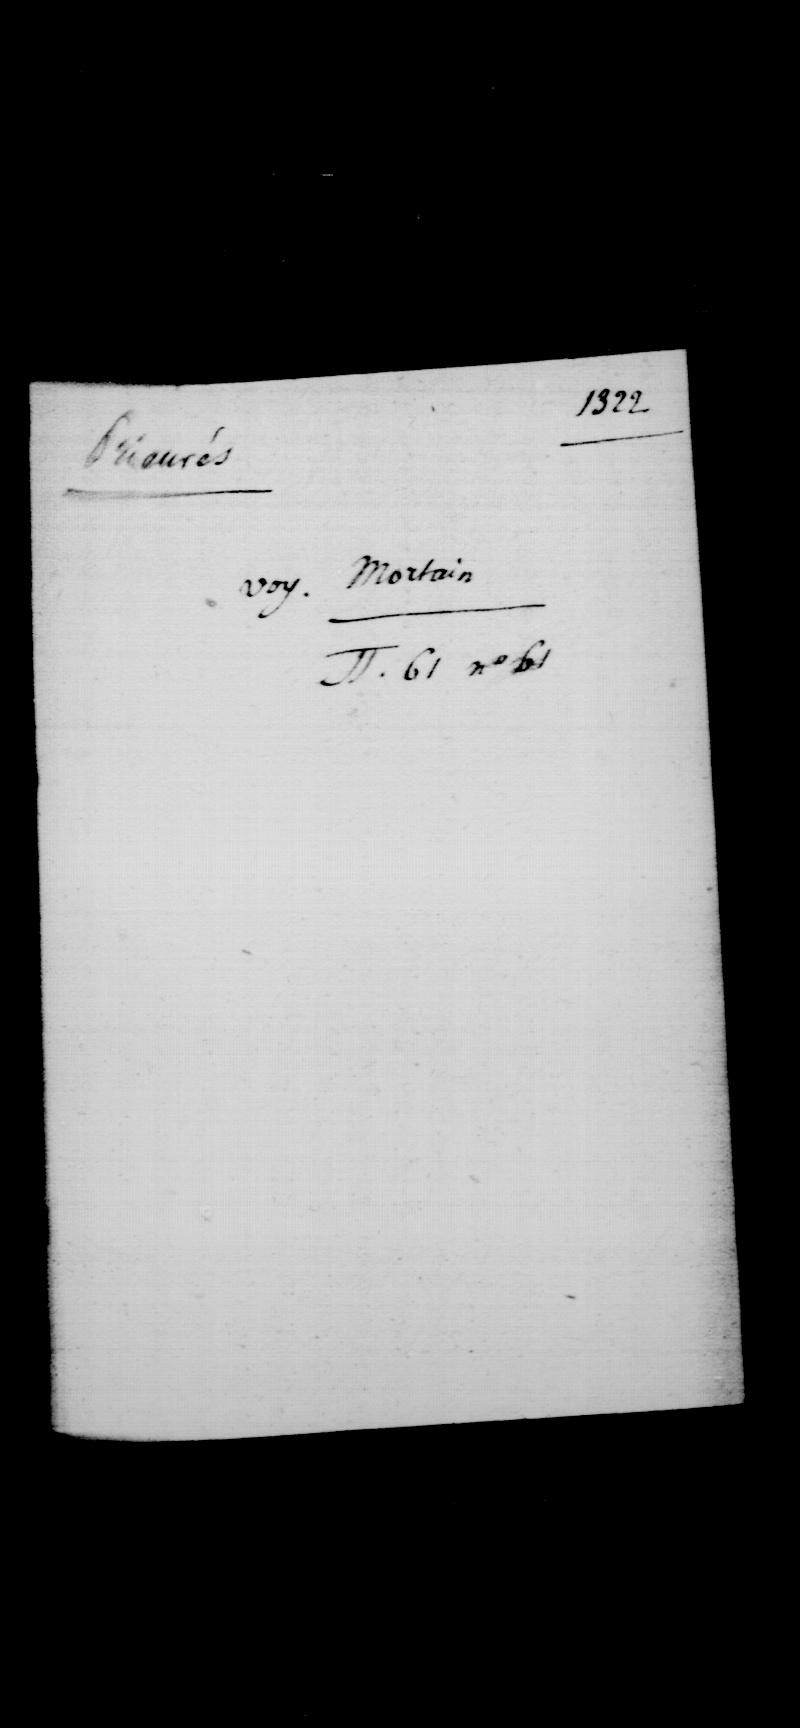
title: Prieurés
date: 1322
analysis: Voir Mortain
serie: JJ
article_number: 61
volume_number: n° 61
